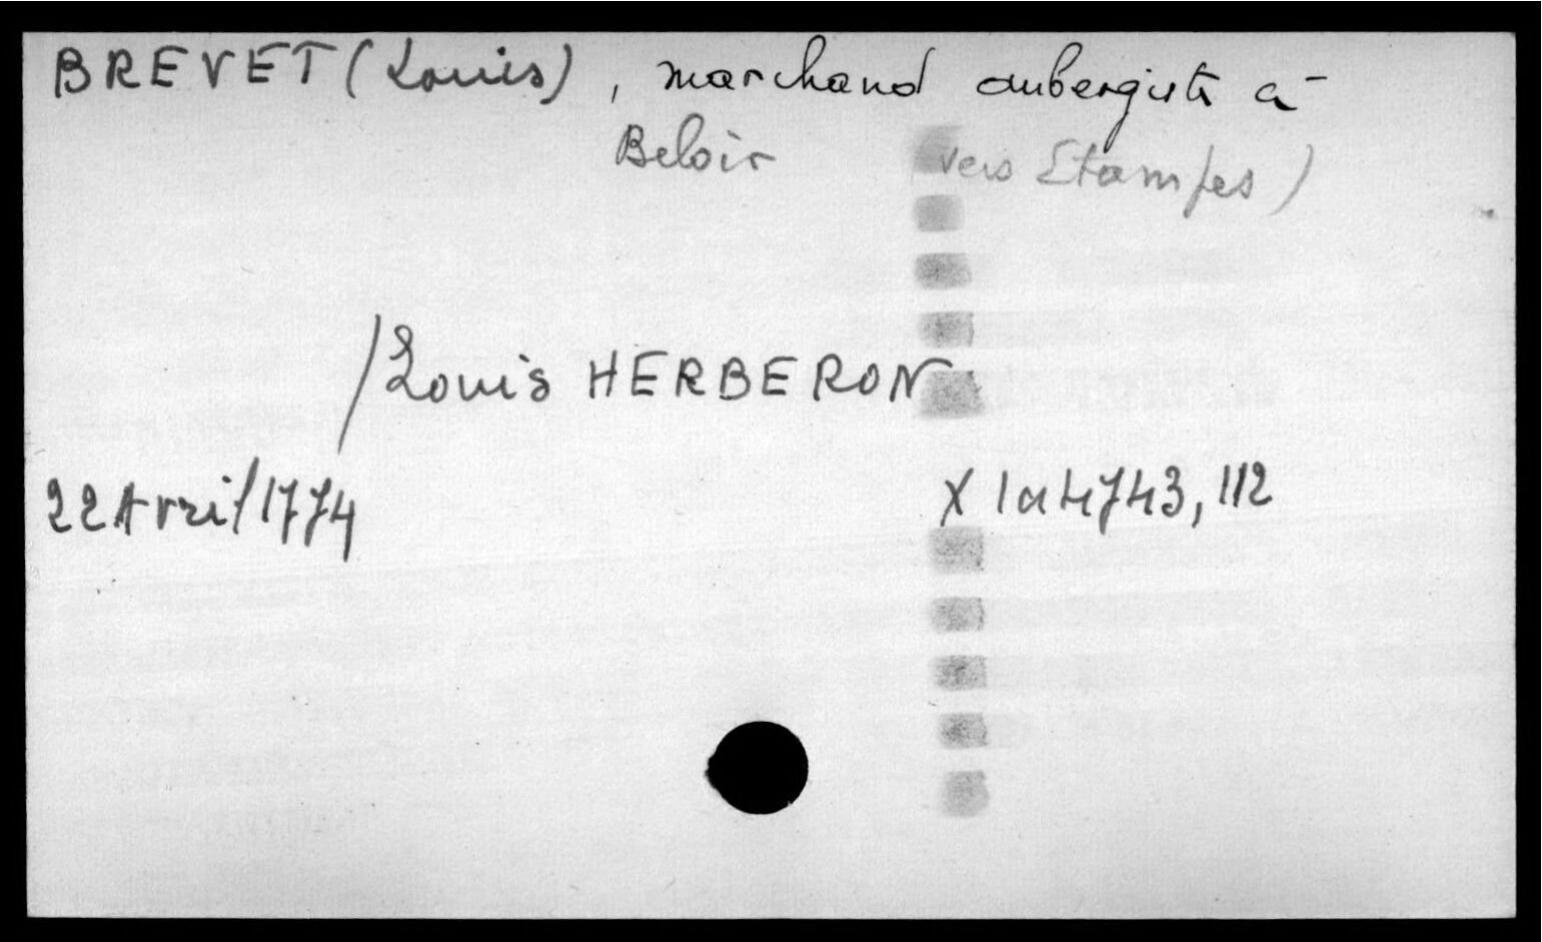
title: BREVET (Louis), marchand aubergite à Beloir vers Étampes)
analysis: Contre Louis HERBERON
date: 22 avril 1774
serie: X1a
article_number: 4743
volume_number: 112
